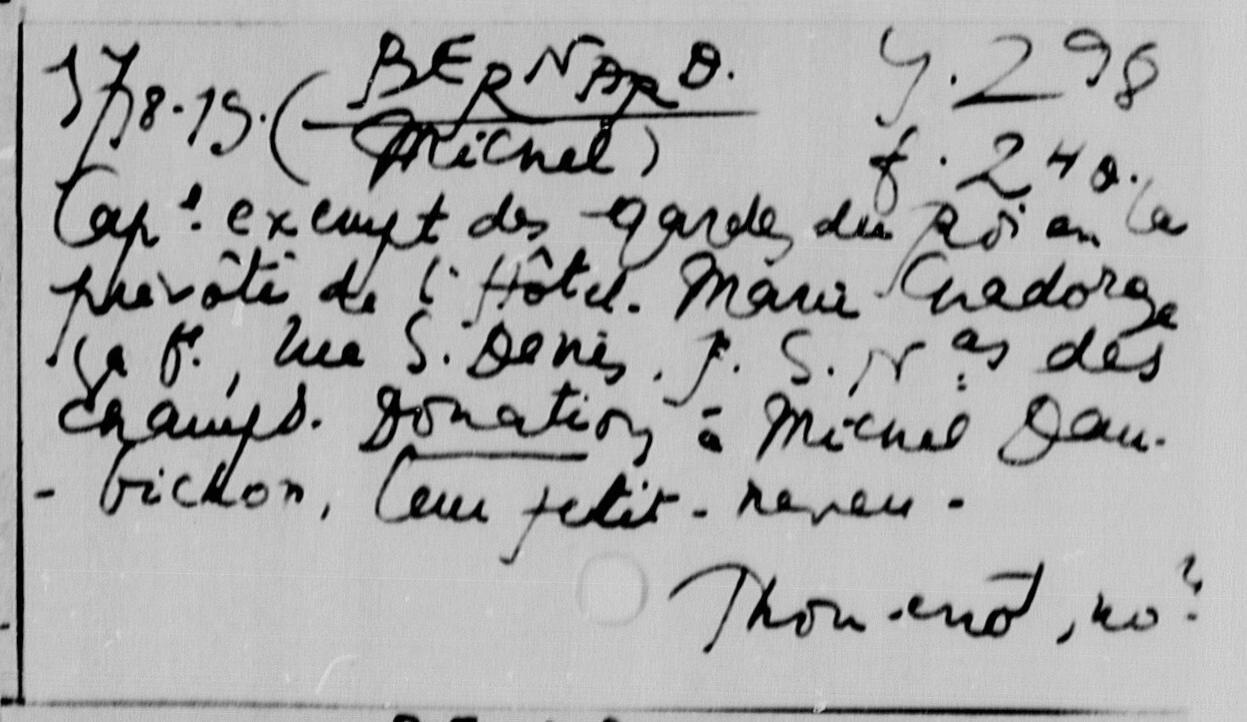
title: BERNARD (Michel)
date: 1708-1719
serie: Y
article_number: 298
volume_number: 240
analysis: Capitaine exempt des gardes du roi en la prévôté de l'Hôtel. Marie Chadorge sa femme, rue Saint-Denis. Faubourg-Saint-Nicolas des-Champs. Donation à Michel Daubichon, leur petit-neveu. Thouvenot notaire.
